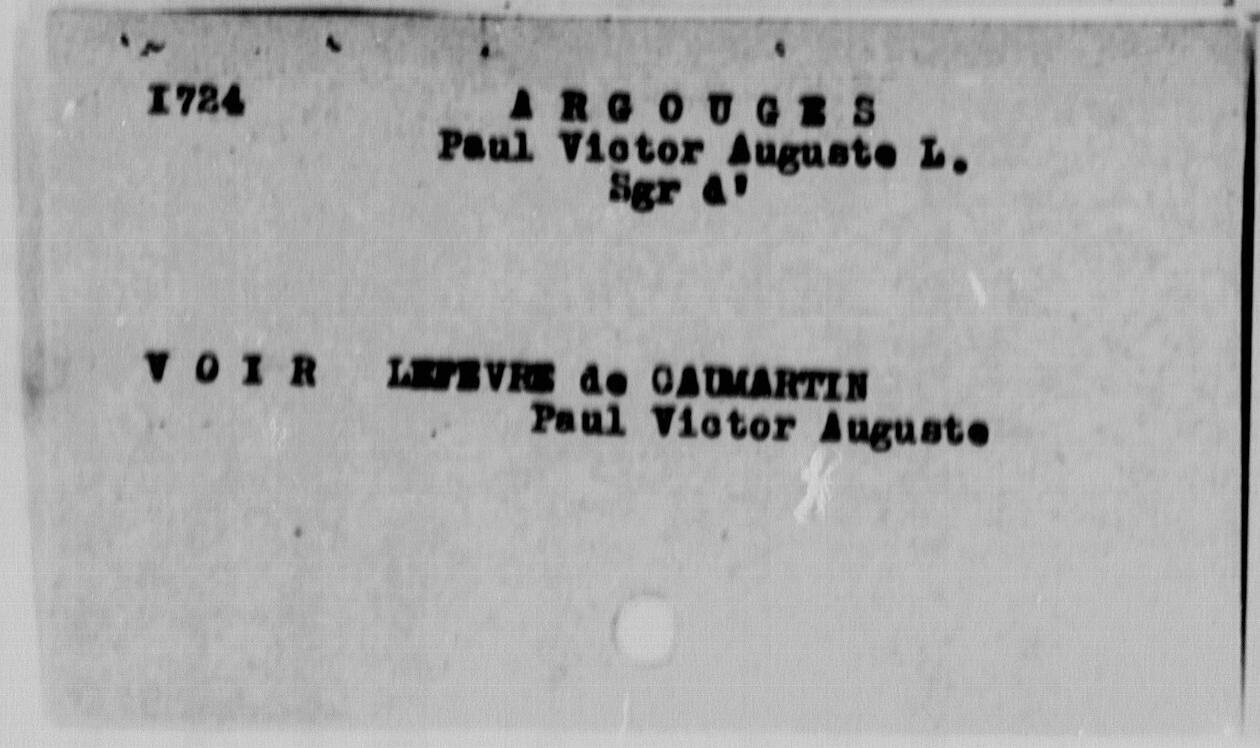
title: ARGOUGES (Paul Victor Auguste L., seigneur d')
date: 1724
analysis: VOIR LEFEVRE DE CAUMARTIN Paul Victor Auguste
